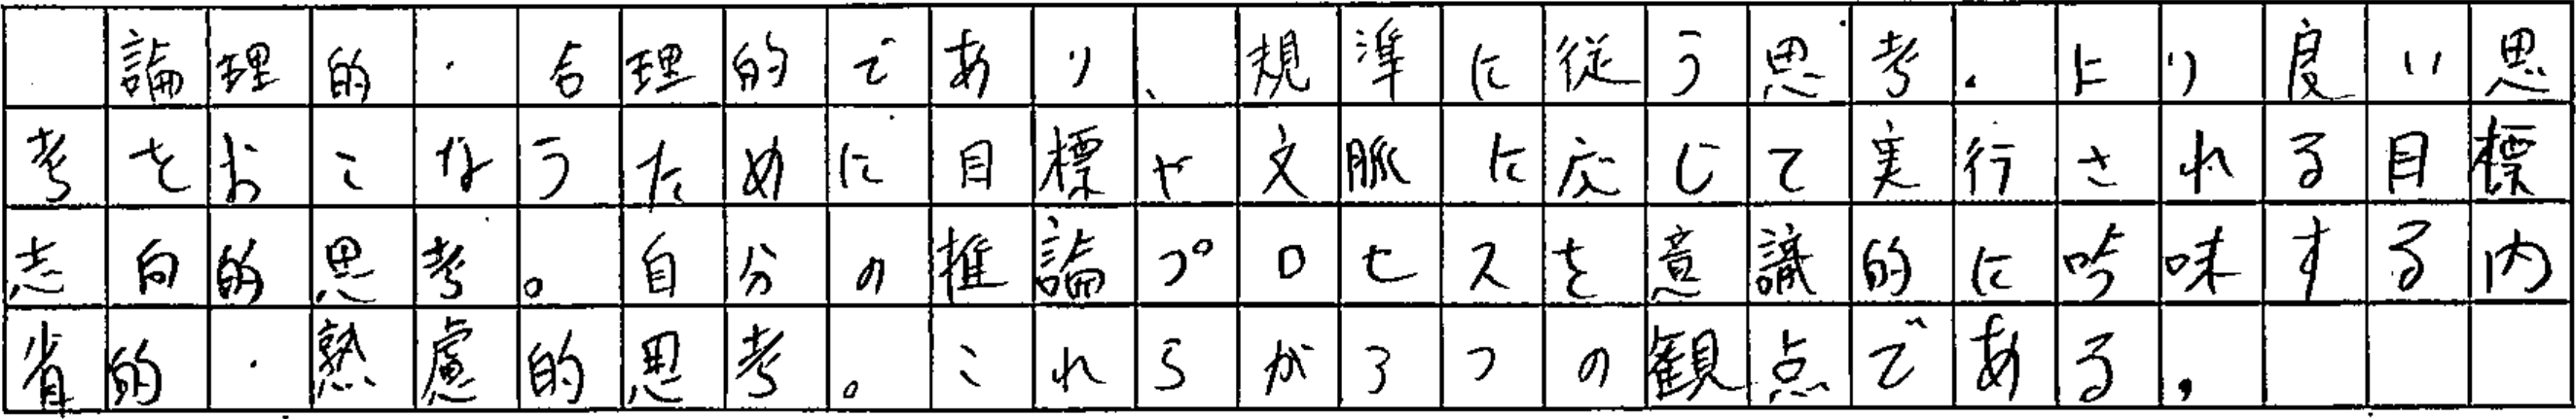　論理的・合理的であり、規準に従う思考。より良い思考をおこなうために目標や文脈に応じて実行される目標志向的思考。自分の推論プロセスを意識的に吟味する内省的・熟慮的思考。これらが３つの観点である。
